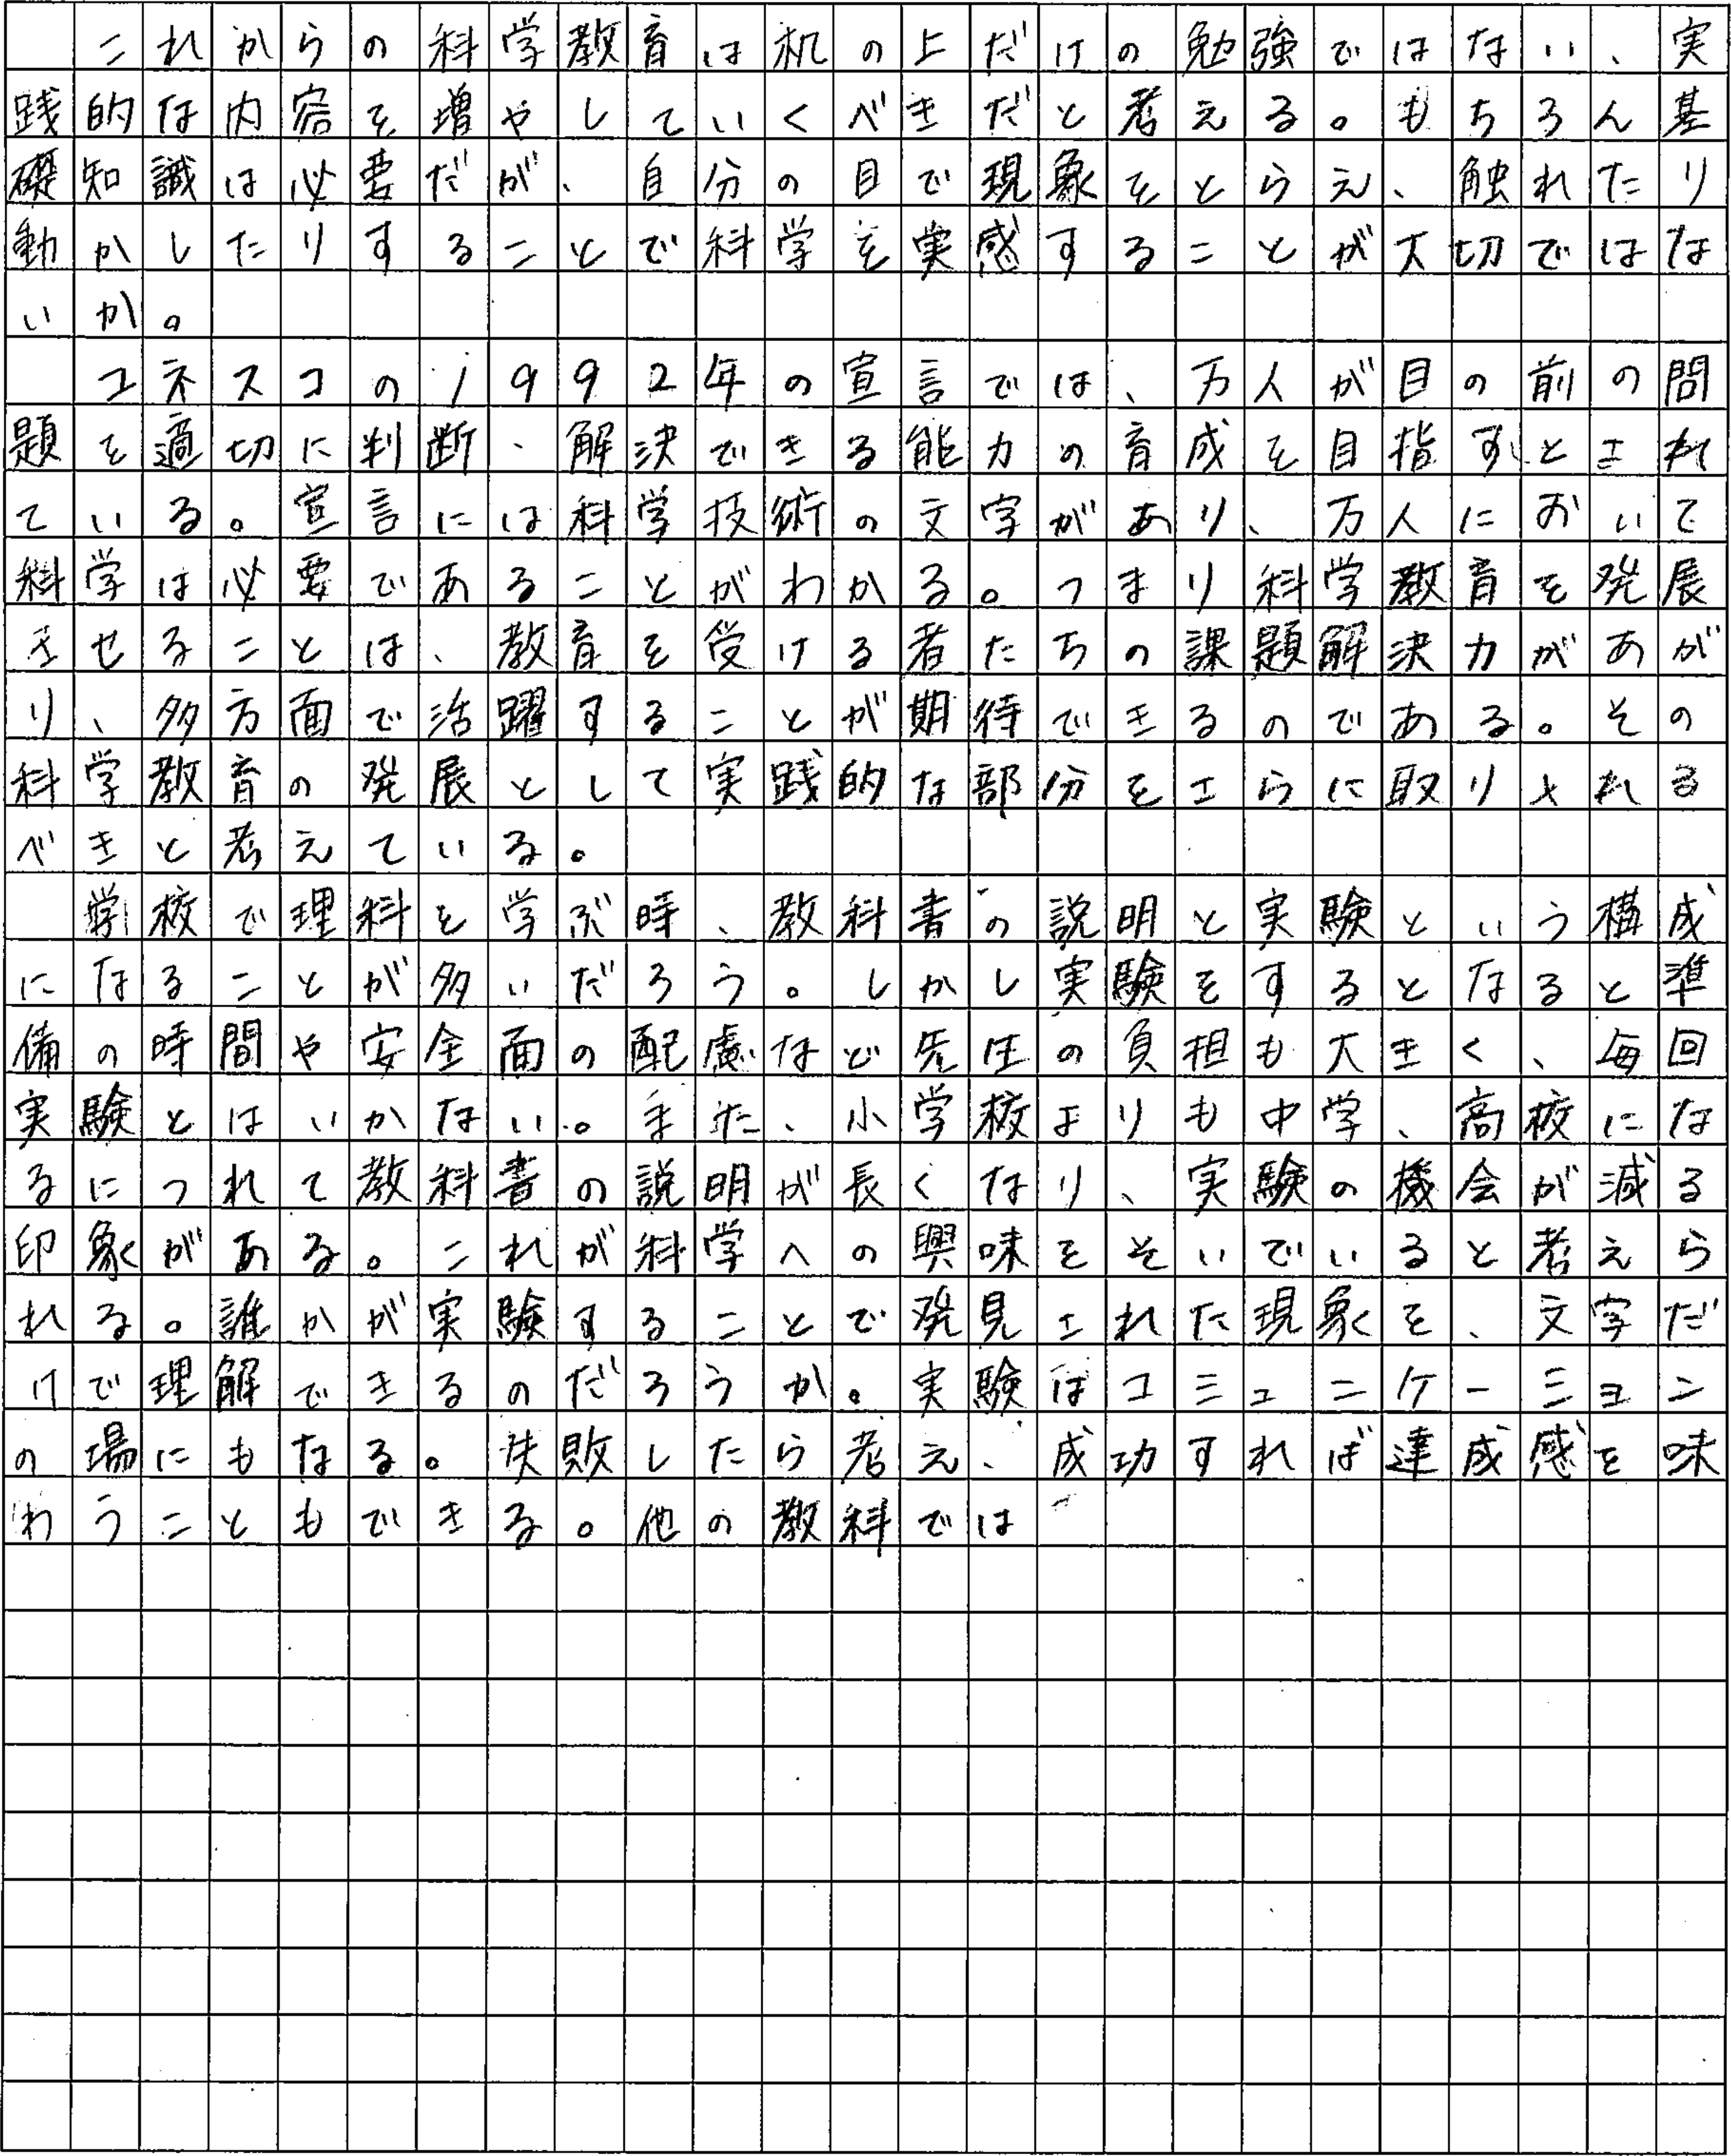　これからの科学教育は机の上だけの勉強ではない、実践的な内容を増やしていくべきだと考える。もちろん基礎知識は必要だが、自分の目で現象をとらえ、触れたり動かしたりすることで科学を実感することが大切ではないか。
　ユネスコの１９９２年の宣言では、万人が目の前の問題を適切に判断・解決できる能力の育成を目指すとされている。宣言には科学技術の文字があり、万人において科学は必要であることがわかる。つまり科学教育を発展させることは、教育を受ける者たちの課題解決力があがり、多方面で活躍することが期待できるのである。その科学教育の発展として実践的な部分をさらに取り入れるべきと考えている。
　学校で理科を学ぶ時、教科書の説明と実験という構成になることが多いだろう。しかし実験をするとなると準備の時間や安全面の配慮など先生の負担も大きく、毎回実験とはいかない。また、小学校よりも中学、高校になるにつれて教科書の説明が長くなり、実験の機会が減る印象がある。これが科学への興味をそいでいると考えられる。誰かが実験することで発見された現象を、文字だけで理解できるのだろうか。実験はコミュニケーションの場にもなる。失敗したら考え、成功すれば達成感を味わうことができる。他の教科では
